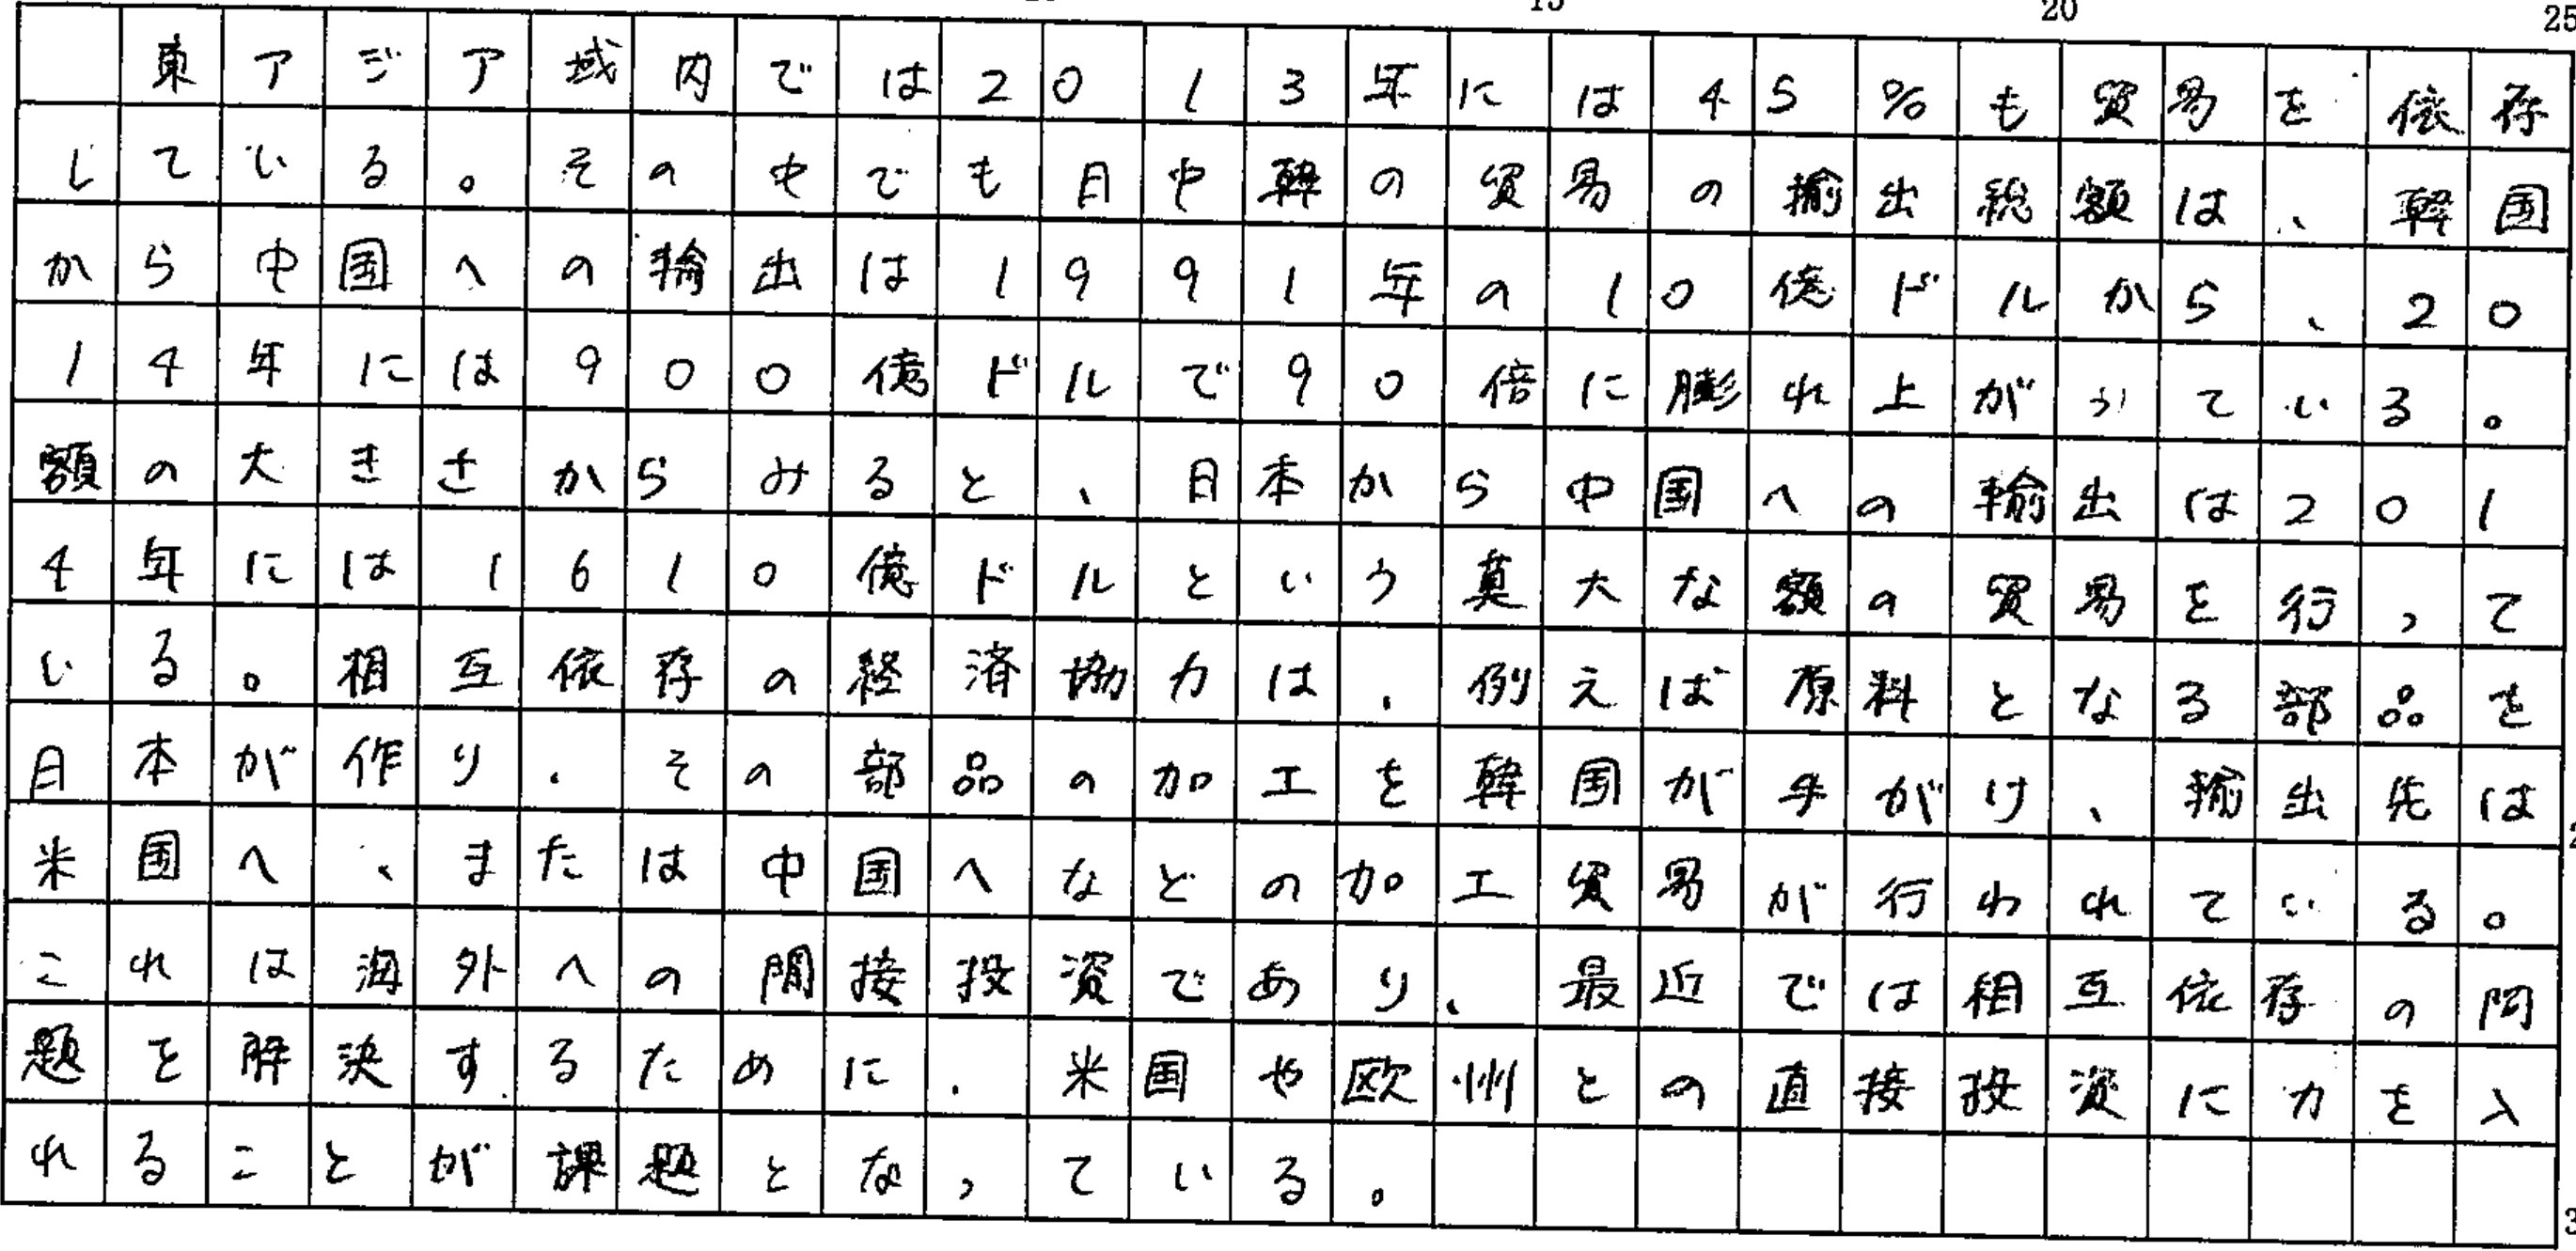　東アジア域内では２０１３年には４５％も貿易を依存している。その中でも日中韓の貿易の▁出総額は、韓国から中国への▁出は１９９１年の１０億ドルから、２０１４年には９００億ドルで９０倍に膨れ上がっている。額の大きさからみると、日本から中国への輸出は２０１４年には１６１０億ドルという莫大な額の貿易を行っている。相互依存の経済協力は、例えば原料となる部品を日本が作り、その部品の加工を韓国が手がけ、輸出先は米国へ、または中国へなどの加工貿易が行われている。これは海外への間接投資であり、最近では相互依存の問題を解決するために、米国や欧州との直接投資に力を入れることが課題となっている。
